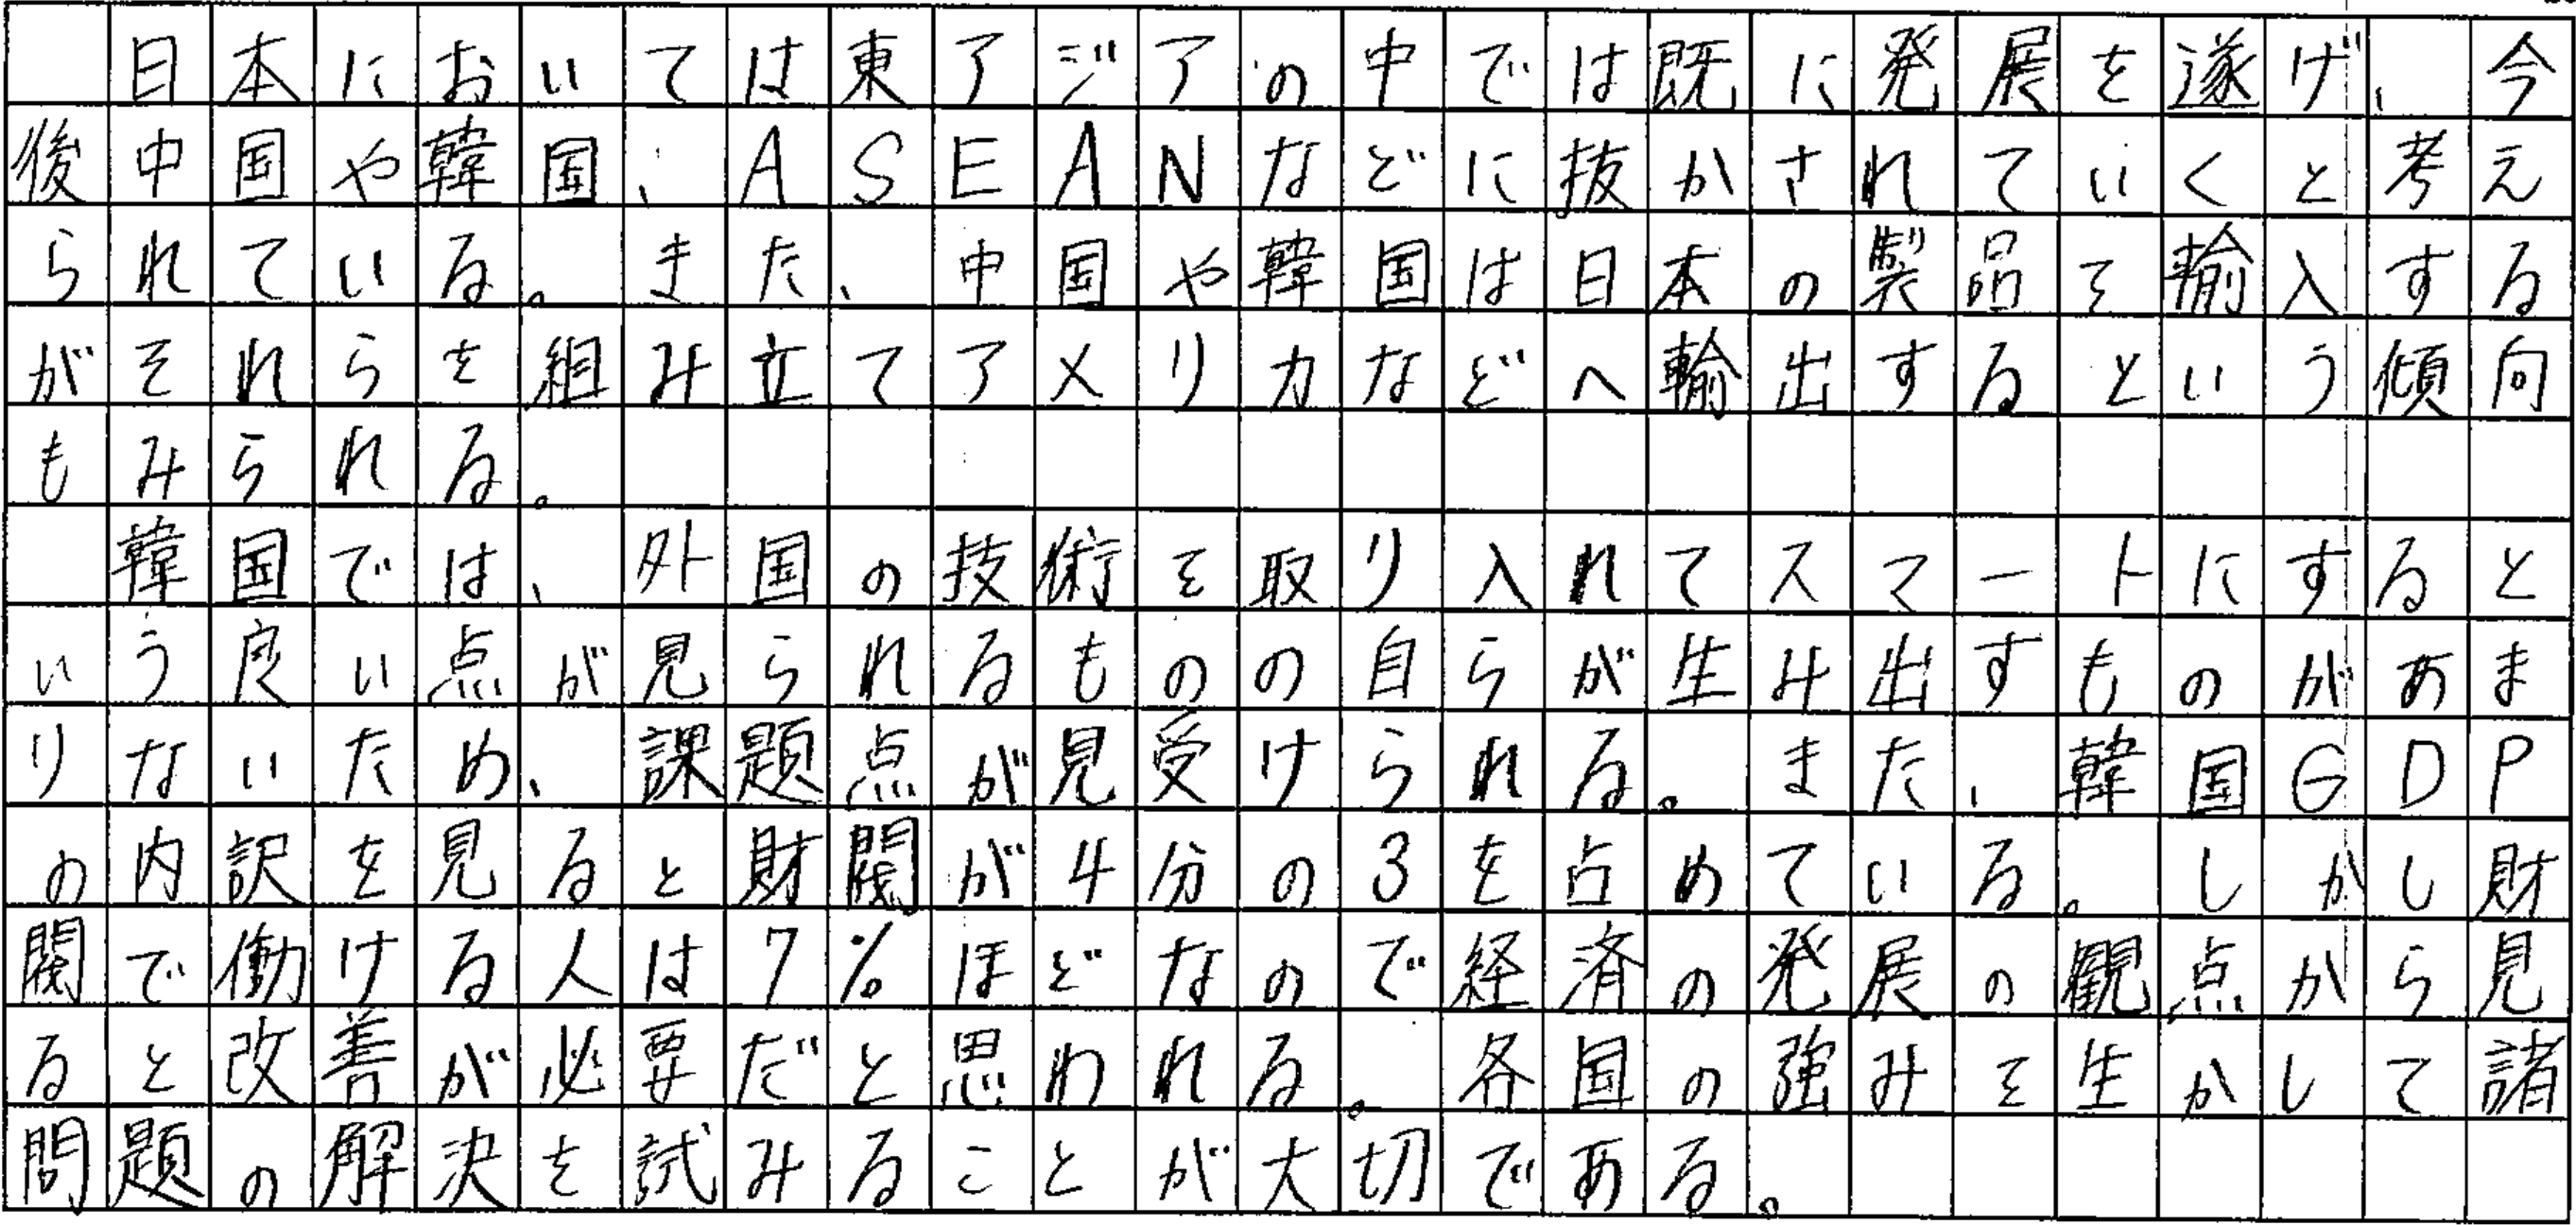　日本においては東アジアの中では既に発展を遂げ、今後中国や韓国、ＡＳＥＡＮなどに抜かされていくと考えられている。また、中国や韓国は日本の製品を輸入するがそれらを組み立てアメリカなどへ輸出するという傾向もみられる。
　韓国では、外国の技術を取り入れてスマートにするという良い点が見られるものの自らが生み出すものがあまりないため、課題点が見受けられる。また、韓国ＧＤＰの内訳を見ると財閥が４分の３を占めている。しかし財閥で働ける人は７％ほどなので経済の発展の観点から見ると改善が必要だと思われる。各国の強みを生かして諸問題の解決を試みることが大切である。
